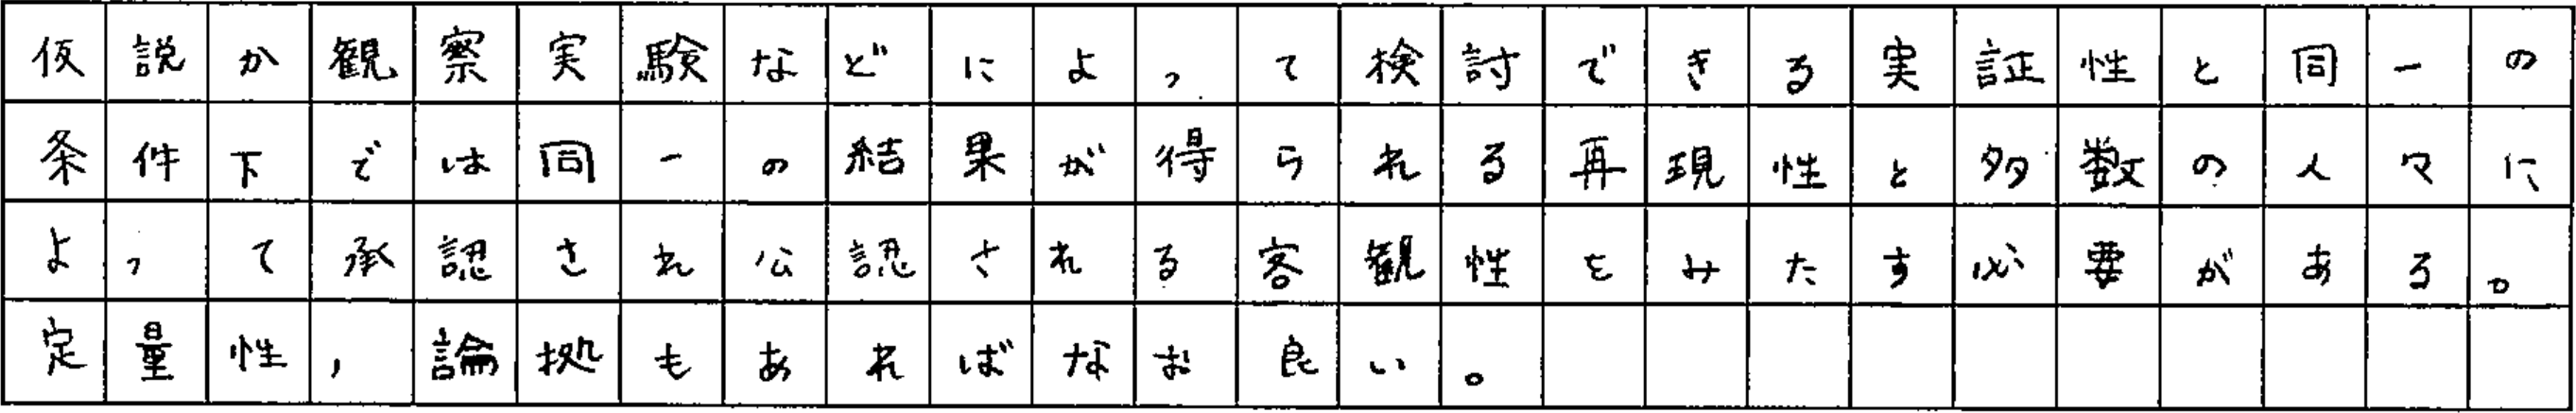仮説か観察実験などによって検討できる実証性と同一の条件下では同一の結果が得られる再現性と多数の人々によって承認され公認される客観性をみたす必要がある。定量性、論拠もあればなお良い。
